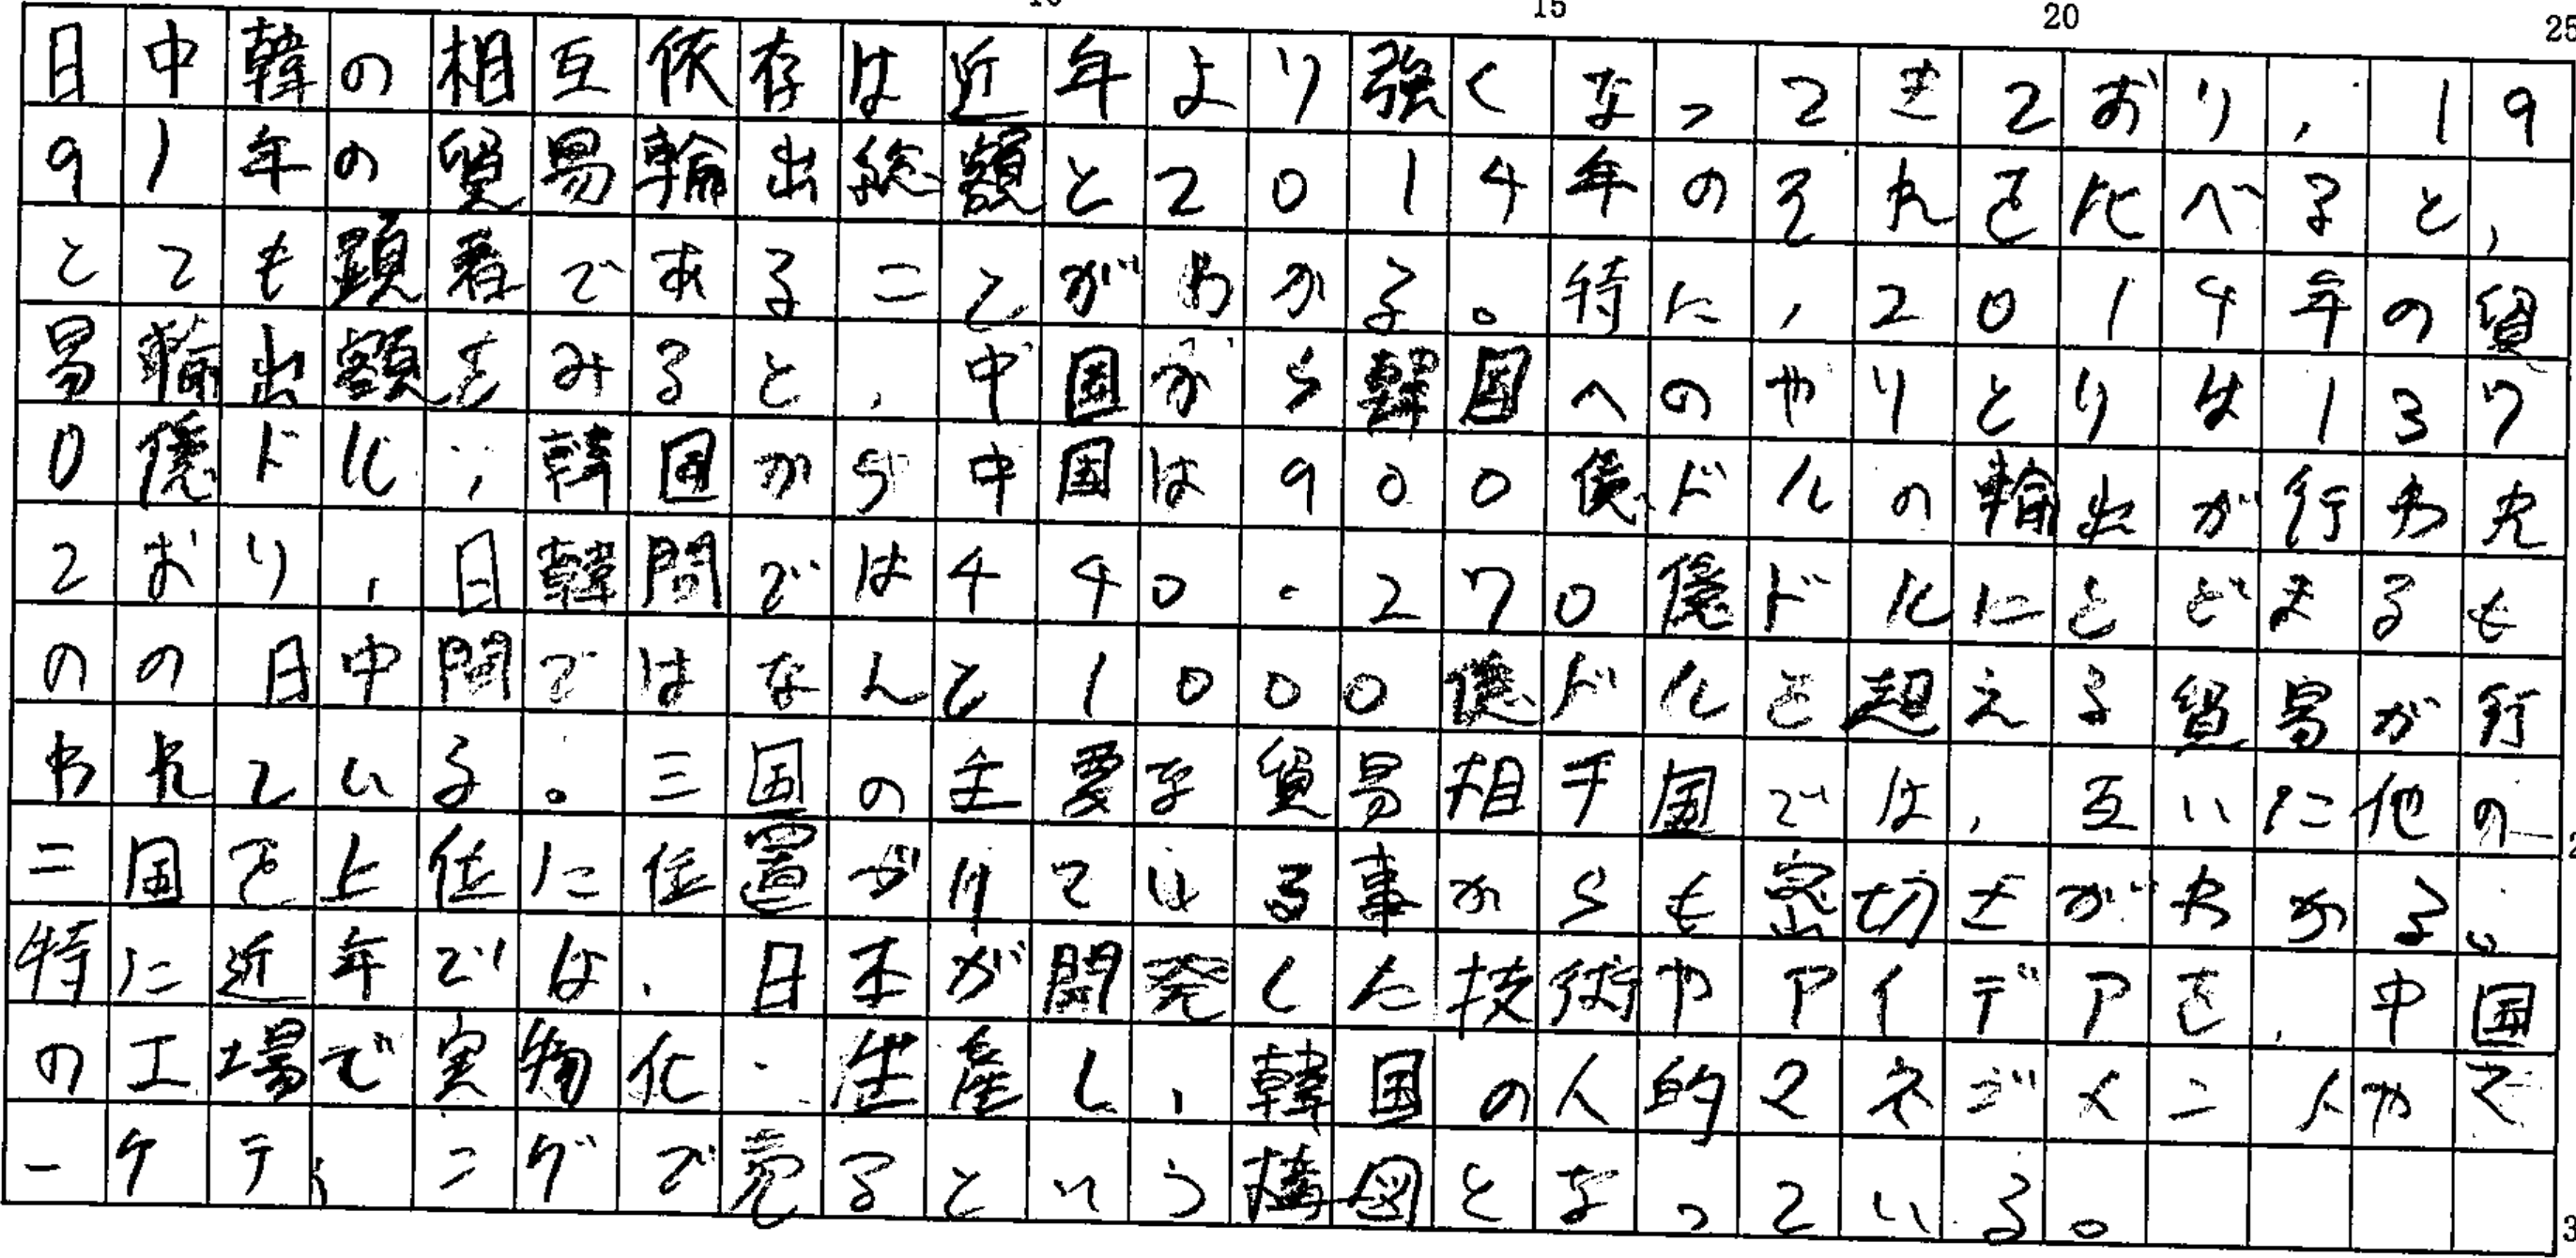日中韓の相互依存は近年より強くなってきており，１９９１年の貿易輪出総額と２０１４年のそれを比べると，とても顕著であることがわかる。特に，２０１４年の貿易輸出額をみると，中国から韓国へのやりとりは１３７０億ドル，韓国から中国は９００億ドルの輸出が行われており，日韓間では４４０・２７０億ドルにとどまるものの日中間ではなんと１０００億ドルを超える貿易が行われている。三国の主要な貿易相手国では，互いに他の二国を上位に位置づけている事からも密切さがわかる。特に近年では、日本が開発した技術やアイデアを，中国の工場で実物化・生産し、韓国の人的マネジメントやマーケティングで売るという構図となっている。
